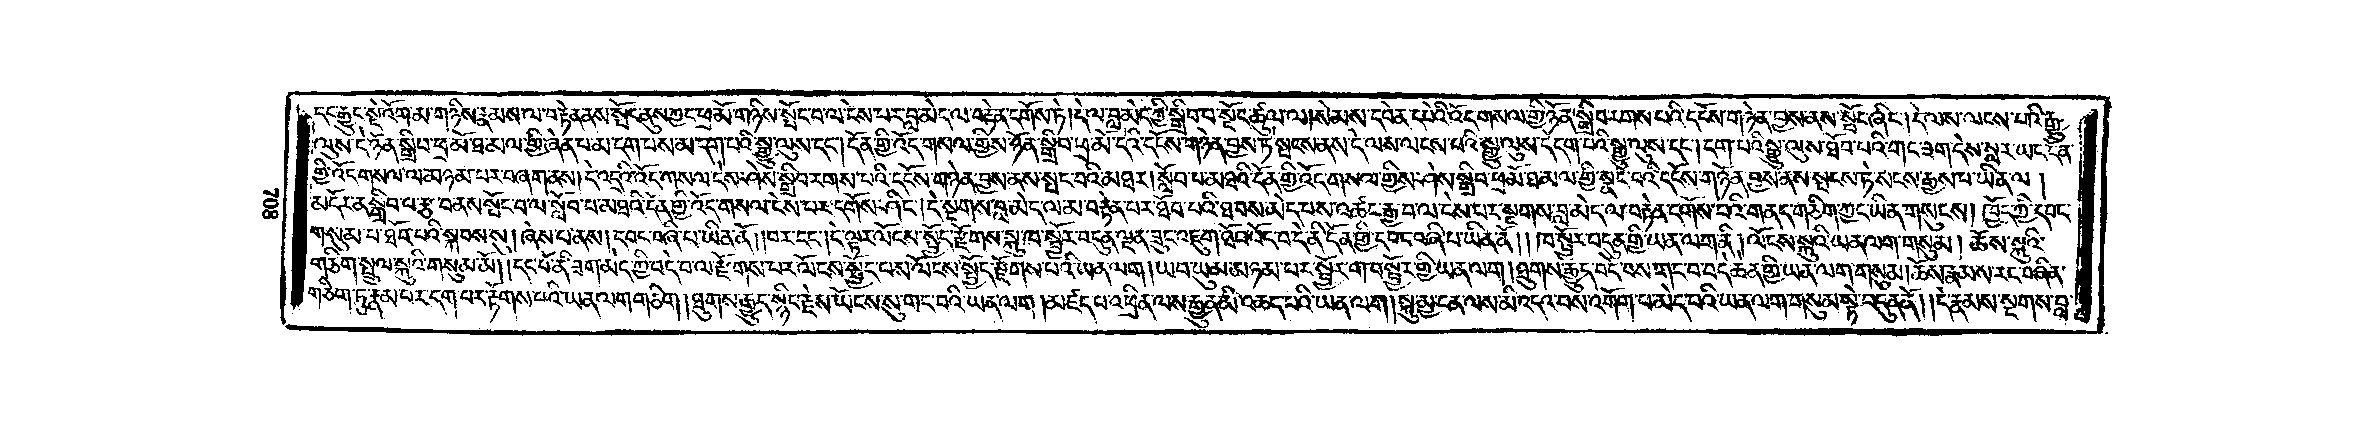དང་རྒྱུད་སྡེ་འོག་མ་གཉིས་རྣམས་ལ་བརྟེན་ནས་སྤོང་ནུས་ཀྱང་ཕྲ་མོ་གཉིས་སྤོང་བ་ལ་ངེས་པར་བླ་མེད་ལ་བརྟེན་དགོས་ཏེ། དེ་ལ་བླ་མེད་ཀྱི་སྒྲིབ་པ་སྡོད་ཚུལ་ལ། སེམས་དབེན་དཔེའི་འོད་གསལ་གྱི་ཉོན་སྒྲིབ་རགས་པའི་དངོས་གཉེན་བྱས་ནས་སྤོང་ཞིང་། དེ་ལས་ལངས་པའི་རྒྱུ་
ལུས་དེ་ཉོན་སྒྲིབ་ཕྲ་མོ་ཐ་མལ་གྱི་ཞེན་པ་མ་དག་པས་མ་དག་པའི་སྒྱུ་ལུས་དང་། དོན་གྱི་འོད་གསལ་གྱིས་ཉོན་སྒྲིབ་ཕྲ་མོ་དེའི་དངོས་གཉེན་བྱས་ཏེ་སྤངས་ནས་དེ་ལས་ལངས་པའི་སྒྱུ་ལུས་དེ་དག་པའི་སྒྱུ་ལུས་དང་། དག་པའི་སྒྱུ་ལུས་ཐོབ་པའི་གང་ཟག་དེས་སླར་ཡང་དོན་
གྱི་འོད་གསལ་ལ་མཉམ་པར་བཞག་ནས། དེ་འདྲའི་འོད་གསལ་དེས་ཤེས་སྒྲིབ་རགས་པའི་དངོས་གཉེན་བྱས་ནས་སྤང་བའི་མཐར། སློབ་པ་མཐའི་དོན་གྱི་འོད་གསལ་གྱིས་ཤེས་སྒྲིབ་ཕྲ་མོ་ཐ་མལ་གྱི་སྣང་བའི་དངོས་གཉོན་བྱས་ནས་སྤངས་ཏེ་སངས་རྒྱས་པ་ཡིན་ལ།
མདོར་ན་སྒྲིབ་པ་རྩ་བ་ནས་སྤོང་བ་ལ་སློབ་པ་མཐའི་དོན་གྱི་འོད་གསལ་ལྔེས་པར་དགོས་ཤིང་། དེ་སྔགས་བླ་མེད་ལ་མ་བརྟེན་པར་ཐོབ་པའི་ཐབས་མེད་པས་འཚང་རྒྱ་བ་ལ་ངེས་པར་སྔགས་བླ་མེད་ལ་བརྟེན་དགོས་པའི་གནད་གཅིག་ཀྱང་ཡིན་གསུངས། ཁྱོད་ཀྱི་དབང་
གསུམ་པ་ཐོབ་པའི་སྐབས་སུ། ཞེས་པ་ནས། དབང་བཞི་པ་ཡིན་ནོ། །བར་དང་། དེ་ལྟར་ལོངས་སྤྱོད་རྫོགས་སྐུ་ཁ་སྦྱོར་བདུན་ལྡན་ཟུང་འཇུག་ཐོབ་འོད་བ་དེ་ནི་དོན་གྱི་དབང་བཞི་པ་ཡིན་ནོ། །ཁ་སྦྱོར་བདུན་གྱི་ཡན་ལག་ནི། ལོངས་སྐུའི་ཡན་ལག་གསུམ། ཆོས་སྐུའི་
གཅིག་སྤྲུལ་སྐུའི་གསུམ་མོ། །དང་པོ་ནི་ཟག་མེད་ཀྱི་བདེ་བ་ལ་རྫོགས་པར་ལོངས་སྤྱོད་པས་ལོངས་སྤྱོད་རྫོགས་པའི་ཡན་ལག །ཡབ་ཡུམ་མཉམ་པར་སྦྱོར་བ། བ་སྦྱོར་གྱི་ཡན་ལག །ཐུགས་རྒྱུད་བདེ་བས་གང་བ་བདེ་ཆེན་གྱི་ཡན་ལག་གསུམ། ཆོས་རྣམས་རང་བཞིན་
གཅིག་ཏུ་རྣམ་པར་དག་པར་རྟོགས་པའི་ཡན་ལག་གཅིག །ཐུགས་རྒྱུད་སྙིང་རྗེས་ཡོངས་སུ་གང་བའི་ཡན་ལག །མཛད་པ་འཕྲིན་ལས་རྒྱུན་མི་འཆད་པའི་ཡན་ལག །སྐུ་མྱ་ངན་ལས་མི་འདའ་བས་འགོག་པ་མེད་པའི་ཡན་ལག་གསུམ་སྟེ་བདུན་ནོ། །དེ་རྣམས་སྔགས་བླ་